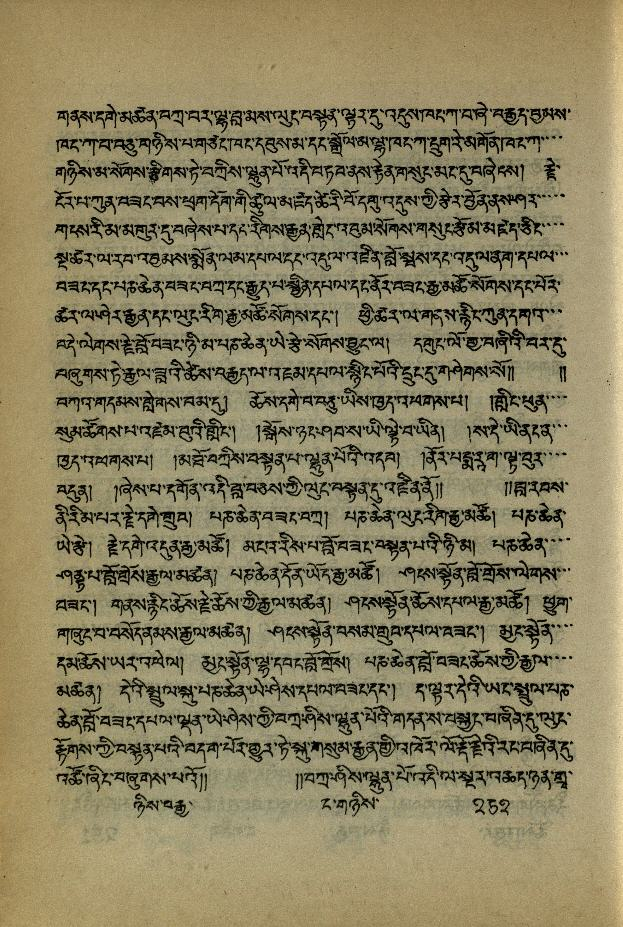གནས་དགེ་མཚན་བཀྲ་བར་ལྷ་བླ་མས་ལུང་བསྟན་ལྟར་དུ་འདུས་ཁང་ཀ་བ་ཞེ་བརྒྱད་བྱམས་
ཁང་ཀ་བ་བཅུ་གཉིས་པ་གཙང་ཁང་དབུས་མ་དང་སྒྲོལ་མ་ལྷ་ཁང་ཀ་དྲུག་རེ་མགོན་ཁང་ཀ་
གཉིས་མ་སོགས་རྩིགས་ཏེ་བཀྲིས་ལྷུན་པོ་འདི་བཏབ་ནས་རྟེན་གསུང་མང་དུ་བཞེངས། རྗེ་
ངོར་པ་ཀུན་བཟང་བས་ཕྲག་དོག་གི་ཚུལ་མཛད་ཚེ་རི་བོ་དགུ་འདུས་ཀྱི་རྩེར་བྱོན་ནས་ཤར་
གངས་རི་མ་མགུར་དུ་བཞེས་པ་དང་རིགས་རྒྱན་གླེང་འབུམ་སོགས་གསུང་རྩོམ་མཛད་ཅིང་
སྔ་ཚར་ལ་རབ་འབྱམས་སྨོན་ལམ་དཔལ་དང་འདུལ་འཛིན་བློ་སྦས་དང་འདུལ་ནག་དཔལ་
བཟང་དང་པཎ་ཆེན་བཟང་བཀྲ་དང་རྒྱུད་པ་སྦྱིན་དཔལ་དང་ནོར་བཟང་རྒྱ་མཚོ་སོགས་དང་པོར་
ཚར་ལ་ཤེར་རྒྱན་དང་ལུང་རིག་རྒྱ་མཚོ་སོགས་དང་། ཕྱི་ཚར་ལ་གནས་རྙིང་ཀུན་དགའ་
བདེ་ལེགས་རྗེ་བློ་བཟང་ཉི་མ་པཎ་ཆེན་ཡེ་རྩེ་སོགས་བྱུང་ལ། དགུང་ལོ་གྱ་བཞིའི་བར་དུ་
བཞུགས་ཏེ་རྒྱལ་ཟླའི་ཚེས་བརྒྱད་ལ་འཇམ་དཔལ་སྙིང་པོའི་དྲུང་དུ་གཤེགས་སོ།། །།
བཀའ་གདམས་གླེགས་བམ་དུ། ཆོས་དགེ་བ་བཅུ་ཡིས་ཁྱད་འཕགས་པ། །གླིང་ཕུན་
སུམ་ཚོགས་པ་འཛམ་བུའི་གླིང་། །སྒོས་ཉང་ཤབ་ས་ཡི་ལྟེ་བ་ཡིན། །ས་དེ་ཡི་ནང་ན་
ཁྱད་འཕགས་པ། །མཐོ་བཀྲིས་བསྟན་པ་ལྷུན་པོའི་འདབ། །ནོར་པདམ་རཱ་ག་ལྟ་བུར་
བདུན། །ཞེས་པ་དགོན་འདི་བླ་བཅས་ཀྱི་ལུང་བསྟན་དུ་འཛིན་ནོ།། །།བླ་རབས་
ནི་རིམ་པར་རྗེ་དགེ་གྲུབ། །པཎ་ཆེན་བཟང་བཀྲ། །པཎ་ཆེན་ལུང་རིག་རྒྱ་མཚོ། པཎ་ཆེན་
ཡེ་རྩེ། རྗེ་དགེ་འདུན་རྒྱ་མཚོ། མངའ་རིས་པ་བློ་བཟང་བསྟན་པའི་ཉི་མ། པཎ་ཆེན་
ཤནྟ་པ་བློ་གྲོས་རྒྱལ་མཚན། པཎ་ཆེན་དོན་ཡོད་རྒྱ་མཚོ། ཤངས་སྟོན་བློ་གྲོས་ལེགས་
བཟང་། གནས་རྙིང་ཆོས་རྗེ་ཆོས་ཀྱི་རྒྱལ་མཚན། ཤངས་སྟོན་ཆོས་དཔལ་རྒྱ་མཚོ། ཕྱུག་
གཞུང་བ་བསོད་ནམས་རྒྱལ་མཚན། ཤངས་སྟོན་བསམ་གྲུབ་དཔལ་བཟང་། མྱང་སྟོན་
དམ་ཆོས་ཡར་འཕེལ། མྱང་སྟོན་ལྷ་དབང་བློ་གྲོས། པཎ་ཆེན་བློ་བཟང་ཆོས་ཀྱི་རྒྱལ་
མཚན། དེའི་སྤྲུལ་སྐུ་པཎ་ཆེན་ཡེ་ཤེས་དཔལ་བཟང་དང་། ད་ལྟར་དེའི་ཡང་སྤྲུལ་པཎ་
ཆེན་བློ་བཟང་དཔལ་ལྡན་ཡེ་ཤེས་ཀྱི་བཀྲ་ཤིས་ལྷུན་པོའི་གདན་ས་བསྐྱང་བཞིན་དུ་ལུང་
རྟོགས་ཀྱི་བསྟན་པའི་བདག་པོར་གྱུར་ཏེ་སྐུ་གསུམ་རྒྱན་གྱི་འཁོར་ལོ་རྡོ་རྗེའི་རང་བཞིན་དུ་
འཚོ་ཞིང་བཞུགས་པའོ།། །།བཀྲ་ཤིས་ལྷུན་པོ་འདི་ལ་སྔར་འཆད་ཉན་གྲྭ་